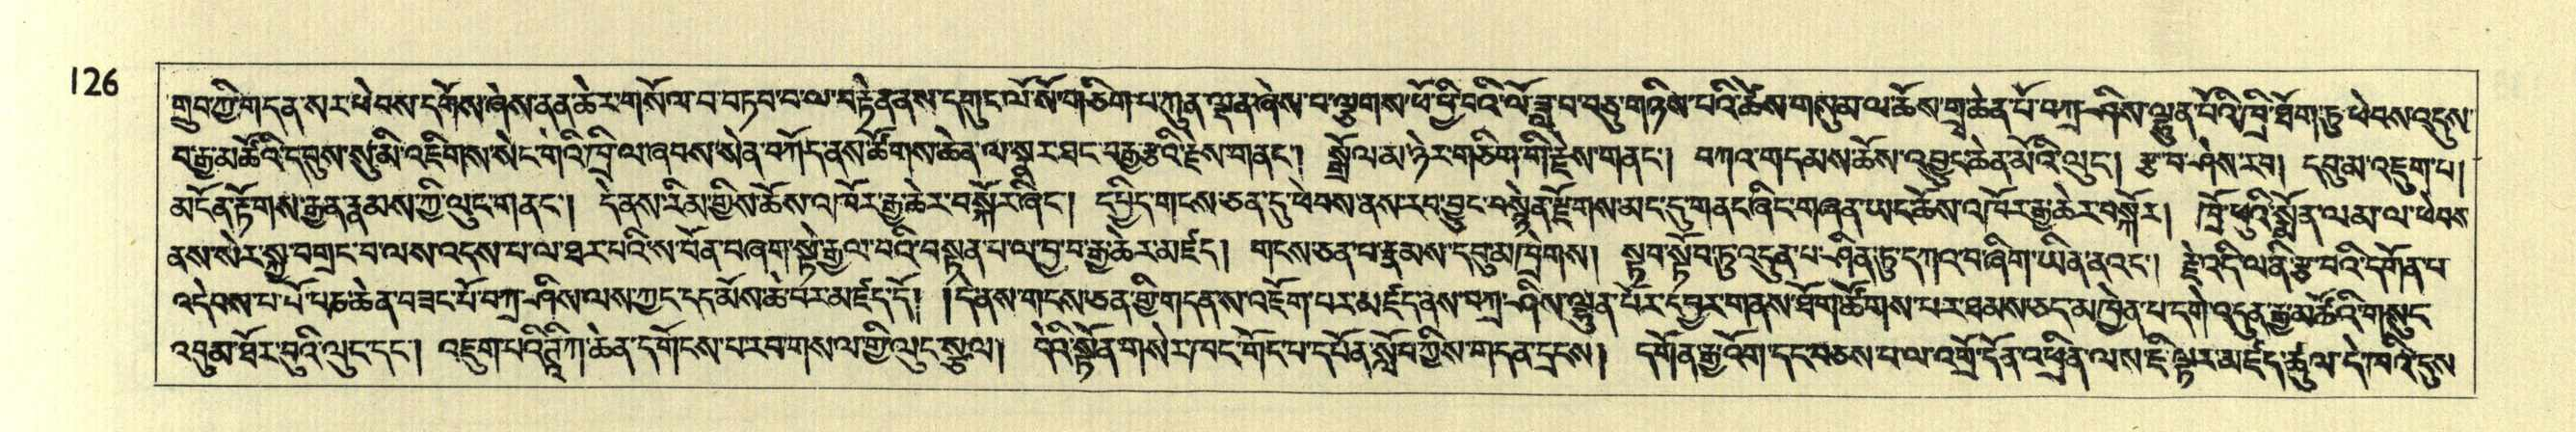གྲུབ་ཀྱི་གདན་སར་ཕེབས་དགོས་ཞེས་ནན་ཆེར་གསོལ་བ་བཏབ་བ་ལ་བརྟེན་ནས་དགུང་ལོ་སོ་གཅིག་པ་ཀུན་ལྡན་ཞེས་པ་ལྕགས་ཕོ་བྱི་བའི་ལོ་ཟླ་བ་བཅུ་གཉིས་པའི་ཚེས་གསུམ་ལ་ཆོས་གྲྭ་ཆེན་པོ་བཀྲ་ཤིས་ལྷུན་པོའི་ཁྲི་ཐོག་ཏུ་ཕེབས་འདུས་
བ་རྒྱ་མཚོའི་དབུས་སུ་མི་འཇིགས་སེང་གེའི་ཁྲི་ལ་ཞབས་སེན་བཀོད་ནས་ཚོགས་ཆེན་ལ་སྣར་ཐང་བརྒྱ་རྩའི་རྗེས་གནང་། སྒྲོལ་མ་ཉེར་གཅིག་གི་རྗེས་གནང་། བཀའ་གདམས་ཆོས་འབྱུང་ཆེན་མོའི་ལུང་། རྩ་བ་ཤེས་རབ། དབུ་མ་འཇུག་པ།
མངོན་རྟོགས་རྒྱན་རྣམས་ཀྱི་ལུང་གནང་། དེ་ནས་རིམ་གྱིས་ཆོས་འཁོར་རྒྱ་ཆེར་བསྐོར་ཞིང་། དཔྱིད་གངས་ཅན་དུ་ཕེབས་ནས་རབ་བྱུང་བསྙེན་རྫོགས་མང་དུ་གནང་ཞིང་གཞན་ཡང་ཆོས་འཁོར་རྒྱ་ཆེར་བསྐོར། ཁྲོ་ཕུའི་སྨོན་ལམ་ལ་ཕེབས་
ནས་སེར་སྐྱ་བགྲང་བ་ལས་འདས་པ་ལ་ཐར་པའི་ས་བོན་བཞག་སྟེ་རྒྱལ་བའི་བསྟན་པ་ལ་བྱ་བ་རྒྱ་ཆེར་མཛད། གངས་ཅན་བ་རྣམས་དབུ་མཁྲེགས། སྟབ་སྟོབ་ཏུ་འདུན་པ་ཤིན་ཏུ་དཀའ་བ་ཞིག་ཡིན་ནའང་། རྗེ་འདི་ལ་ནི་རྩ་བའི་དགོན་པ་
འདེབས་པ་པོ་པཎ་ཆེན་བཟང་པོ་བཀྲ་ཤིས་ལས་ཀྱང་དད་མོས་ཆེ་བར་མཛད་དོ། །དེ་ནས་གངས་ཅན་གྱི་གདན་ས་འཇོག་པར་མཛད་ནས་བཀྲ་ཤིས་ལྷུན་པོར་དབྱར་གནས་ཐོག་ཚོགས་པར་ཐམས་ཅད་མཁྱེན་པ་དགེ་འདུན་རྒྱ་མཚོའི་གསུང་
འབུམ་ཐོར་བུའི་ལུང་དང་། འཇུག་པའི་ཊཱིཀ་ཆེན་དགོངས་པ་རབ་གསལ་གྱི་ལུང་སྩལ། དེའི་སྟོན་གསེར་ཁང་གོང་པ་དཔོན་སློབ་ཀྱིས་གདན་དྲངས། དགོན་རྒྱ་འོག་དང་བཅས་པ་ལ་འགྲོ་དོན་འཕྲིན་ལས་ཇི་ལྟར་མཛད་ཚུལ་དེ་ཁའི་དུས་